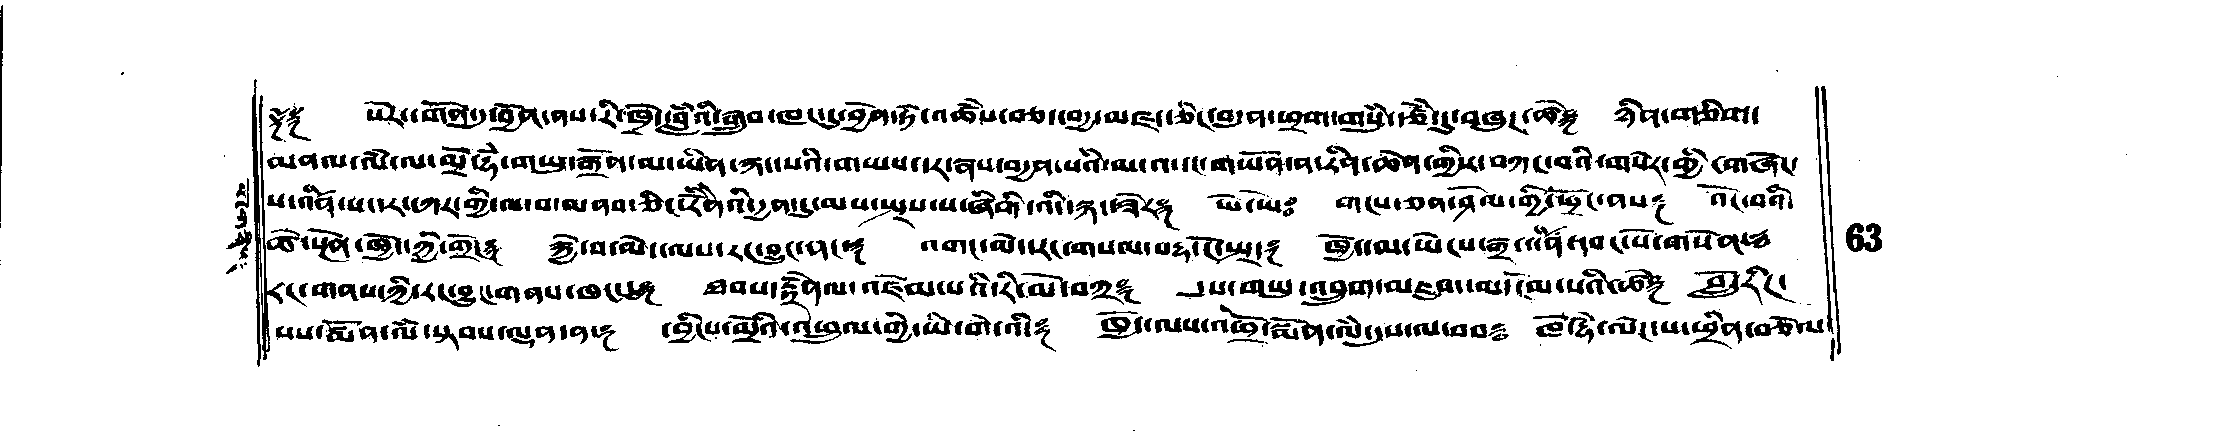སེར་གོན་དུ་བྱོན་ནས་རི་ཁྲོད་བླ་མའི་སྒྲུབ་ཁང་དུ་བྱོན་ཏེ་མཚམས་བཅད་བརྒྱ་མཛད་ཅིང་བདུན་ཕྲག་གསུམ་ཙམ་དུ་བཞུགས་ཚེ།ཉིན་གཅིག་
མནལ་ལམ་ལ་མཁའ་འགྲོ་རྡོ་རྗེ་གཡུ་སྒྲོན་མ་ཡིན་སྐད་པའི་གཡས་དར་སྣས་བརྒྱན་པའི་མདའ་དང་གཡོན་ན་རིན་ཆེན་གྱིས་བཀང་བའི་གསེར་གྱི་གཞོང་
པ་འཛིན་པ་དར་དཀར་གྱི་ལྭ་བ་མནབ་ཅིང་རིན་པོ་ཆེའི་རྒྱན་དུ་མས་སྤྲས་པ་ཞིག་གི་འདི་སྐད་ཟེར། ཡེ་ཡེཿ གངས་ཅན་ཤོལ་གྱི་ཕོ་བྲང་ནས། །འོང་བའི་
ཚེ་སྔོན་ཁྱོད་ཀྱི་གྲོགས། །སྐྱེ་བ་མེད་ལས་རང་བྱུང་ནང་། །འགགས་མེད་རང་གསལ་བརྡ་ངོ་སྤྲད། ཁྱོད་མ་ཡེངས་སྒྲ་འཛིན་དབང་པོ་གསོན། །
རང་གནས་ཀྱི་རང་བྱུང་གནས་ཁང་དུ། །ཐབས་རྟེན་འབྲེལ་འཛོམ་པའི་རི་མོ་བཀྲ། །དུས་གཡུ་འབྲུག་མཇུག་མ་ངོམ་པའི་ཚེ། །བློ་རིགས་
པས་སྨོན་ལམ་སྟབས་ལྡན་ན། །དབྱིངས་མཁའ་འགྲོའི་འཕྲུལ་གྱི་ཡི་གེ་འདི། ཁྱོད་ལས་འཕྲོ་སྨོན་ལམ་དུས་ལ་བབ། ཁོ་རྡོ་རྗེ་ལེགས་པ་ཕྲིན་ལས་བཅོལ།